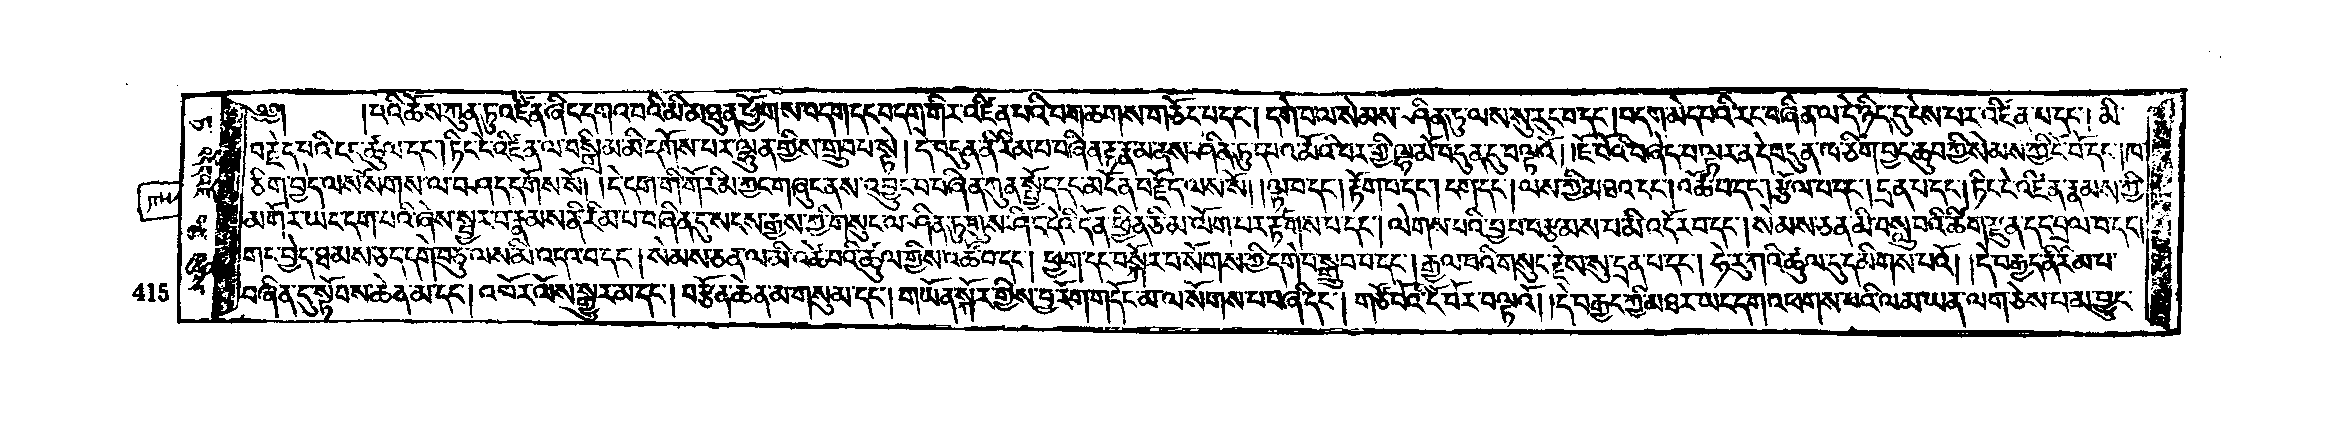༄༅། །བའི་ཆོས་ཀུན་ཏུ་འཛིན་ཞིང་དགའ་བའི་མི་མཐུན་ཕྱོགས་བདག་དང་བདག་གིར་འཛིན་པའི་བག་ཆགས་གཅོད་པ་དང་། དགེ་བ་ལ་སེམས་ཤིན་ཏུ་ལས་སུ་རུང་བ་དང་། བདག་མེད་པའི་རང་བཞིན་ལ་དེ་ཉིད་དུ་ངེས་པར་འཛིན་པ་དང་། མི་
བརྗེད་པའི་ངང་ཚུལ་དང་། ཏིང་ངེ་འཛིན་ལ་བསྒྲིམ་མི་དགོས་པར་ལྷུན་གྱིས་གྲུབ་པ་སྟེ། དེ་བདུན་ནི་རིམ་པ་བཞིན་རྟ་རྣ་མ་ནས་ཤིན་ཏུ་དཔའ་མོའི་བར་གྱི་ལྷ་མོ་བདུན་དུ་བལྟའོ། །ཇོ་བོའི་བཞེད་པ་ལྟར་ན་དེ་བདུན་ཁ་ཅིག་བྱང་ཆུབ་ཀྱི་སེམས་ཀྱི་ངོ་བོ་དང་། ཁ་
ཅིག་བྱེད་ལས་སོགས་ལ་བཤད་དགོས་སོ། །དེ་དག་གི་གོ་རིམ་ཀྱང་གཞུང་ནས་འབྱུང་བ་བཞིན་ཀུན་སྤྱོད་དང་མངོན་བརྗོད་ལས་སོ། །ལྟ་བ་དང་། རྟོག་པ་དང་། ངག་དང་། ལས་ཀྱི་མཐའ་དང་། འཚོ་བ་དང་། རྩོལ་བ་དང་། དྲན་པ་དང་། ཏིང་ངེ་འཛིན་རྣམས་ཀྱི་
མགོར་ཡང་དག་པའི་ཞེས་སྦྱར་བ་རྣམས་ནི་རིམ་པ་བཞིན་དུ་སངས་རྒྱས་ཀྱི་གསུང་ལ་ཤིན་ཏུ་གུས་ཤིང་དེའི་དོན་ཕྱིན་ཅི་མ་ལོག་པར་རྟོགས་པ་དང་། ལེགས་པའི་བྱ་བ་བརྩམས་པ་མི་འདོར་བ་དང་། སེམས་ཅན་མི་བསླུ་བའི་ཚིག་རྫུན་དང་བྲལ་བ་དང་།
གང་བྱེད་ཐམས་ཅད་དགེ་བཅུ་ལས་མི་འདའ་བ་དང་། སེམས་ཅན་ལ་མི་འཚེ་བའི་ཚུལ་གྱིས་འཚེ་བ་དང་། ཕྱག་དང་བསྐོར་བ་སོགས་ཀྱི་དགེ་བ་སྒྲུབ་པ་དང་། རྒྱལ་བའི་གསུང་རྗེས་སུ་དྲན་པ་དང་། ཧེ་རུ་ཀའི་ཚུལ་དུ་དམིགས་པའོ། །དེ་བརྒྱད་ནི་རིམ་པ་
བཞིན་དུ་སྟོབས་ཆེན་མ་དང་། འཁོར་ལོས་སྒྱུར་མ་དང་། བརྩོན་ཆེན་མ་གསུམ་དང་། གཡོན་སྐོར་གྱིས་བྱ་རོག་གདོང་མ་ལ་སོགས་པ་བཞི་དང་། གཙོ་བོའི་ངོ་བོར་བལྟའོ། །དེ་བརྒྱད་ཀྱི་མཐར་ཡང་དག་འཕགས་པའི་ལམ་ཡན་ལག་ཅེས་པ་མ་བྱུང་